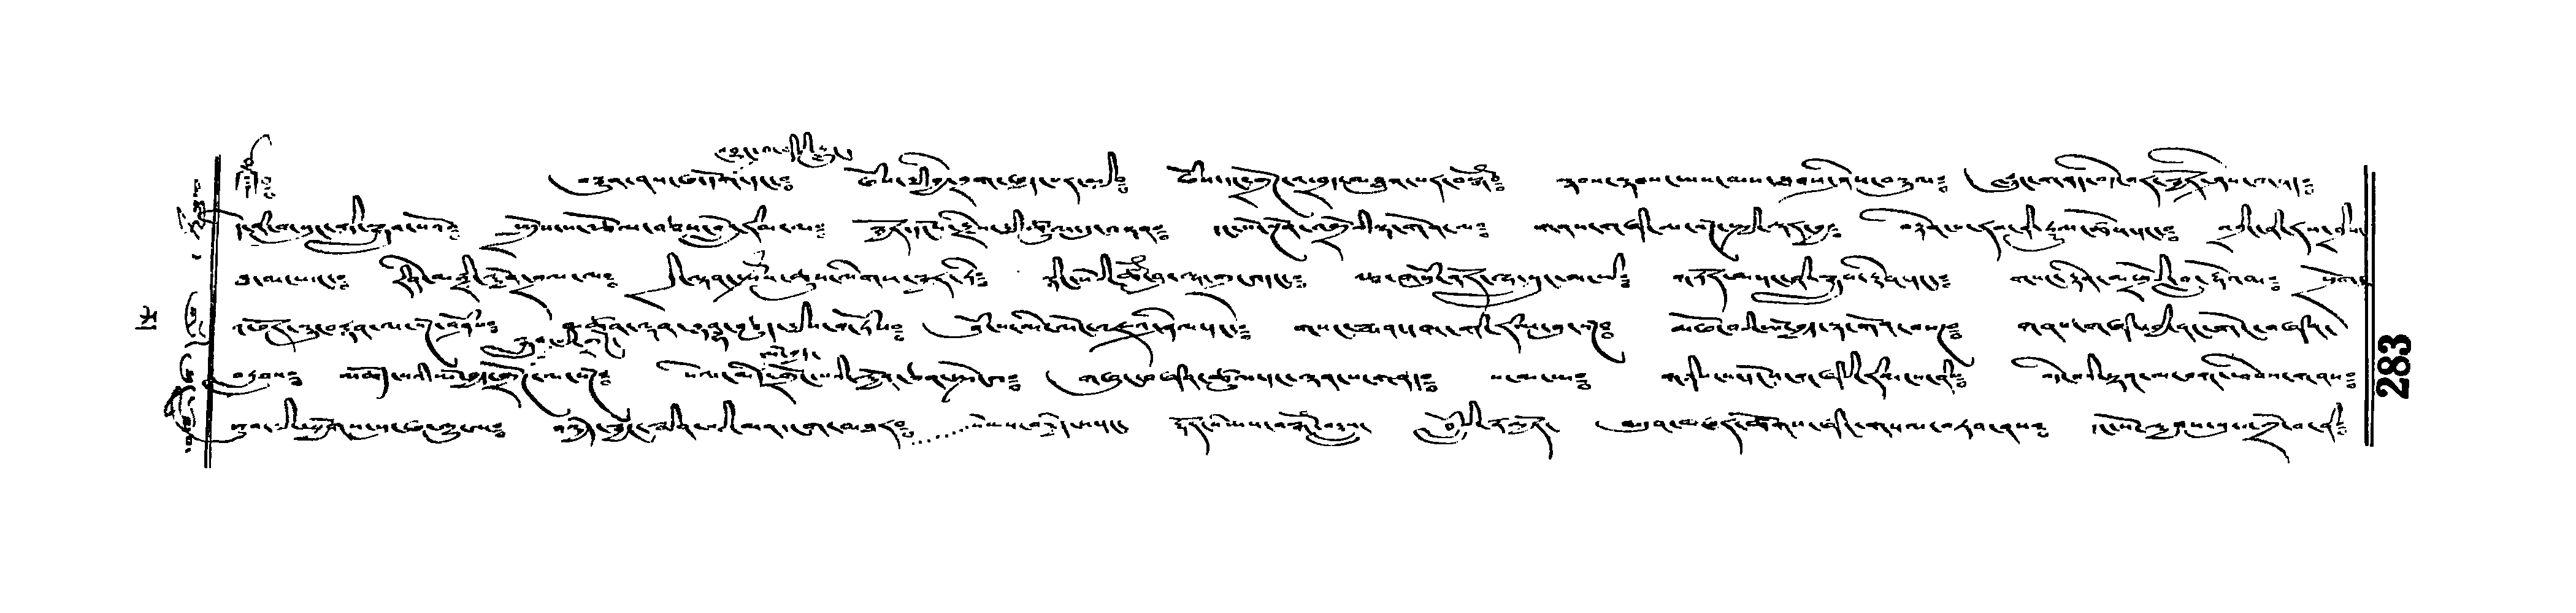བསྟུན་ནས་ཁ་དོག་དང༔ ཁམས་ཀྱི་བྱེ་བྲག་ཁྱད་པར་གྱི༔ ཁམས་དང་གྲོགས་འཕྲད་མཐུན་པར་བསྒོམ༔ སྐབས་སྐབས་ཡས་མས་ཐབས་ཤེས་བསྐུལ༔ རླུང་གནད་བདེ་བར་སྦྱོར་ཤེས་གནད༔ 
དེ་ནི་གསུང་གི་སྒྲུབ་པའོ༔ སྤྲོས་པ་རྩོལ་བཅས་བློ་རིམ་ལ༔ སྦྱོར་དངོས་རྗེས་ཀྱི་ཚུལ་དུ་བསྟན༔ དང་པོ་སྔོན་འགྲོའི་སྟ་གོན་ལ༔ གནས་གཞི་ལ་སོགས་སྤྱི་ལྟར་བྱ༔ བརྟེན་པ་རབ་ནི་རྡུལ་ཚོན་དང༔ འབྲིང་ནི་རས་བྲིས་
ཐ་མ་ཡང༔ རིན་ཆེན་མཉྫ་སྐྱོན་བྲལ་ལ༔ དྲི་ལྡན་སྤོས་ཆུས་ལེགས་སྦྱར་ཏེ༔ སྙིང་པོའི་ཚོམ་བུ་ལྷ་གྲངས་དང༔ རྩ་གསུམ་ནོར་ལྷ་སྲུང་མ་ཡི༔ གཏོར་མ་དང་ནི་སྒྲུབ་རྟེན་དང༔ གསང་རྟེན་མཁའ་འགྲོའི་བླ་རྡོའམ༔ སྲོག་
འཁོར་སྐུ་བརྙན་ལ་སོགས་བཤམས༔ མཚན་ལྡན་བྷནྡྷ་བཅུད་ཀྱིས་གཏམས༔ བུམ་པ་མེ་ལོང་འཇའ་ཤེལ་དང༔ གསང་སྨན་དག་གི་རིལ་བུ་སོགས༔ མཁོ་བའི་ཡོ་བྱད་སྟ་གོན་བསགས༔ གནས་གཞིས་ཕྱི་ནང་གོང་བཞིན་
བརླབས༔ མཆོད་པའི་ཡོ་བྱད་གྲོགས་ལ་སོགས༔ སེལ་མེད་གྲོང་པའི་སྐྱོན་ཅན་སྤོངས༔ གཞུང་བཞིན་ཚུལ་དང་ལྡན་པ་གནད༔ ས་མ་ཡ༔ གཉིས་པ་དངོས་གཞིའི་རིམ་པ་ནི༔ བདེ་བའི་ལྡན་ལ་བག་ཕབ་ནས༔ 
ནུབ་ཀྱི་ཕྱོགས་སུ་ཁ་གྱུར་ལ༔ བསྐྱེད་སྦྱང་སྨིན་པའི་མན་ངག་མཐར༔ མདུན་མཁར་ཚོགས་ཞིང་གསལ་བཏབ་ནས༔ དང་པོ་སྐྱབས་སུ་འགྲོ་བ་ནི༔